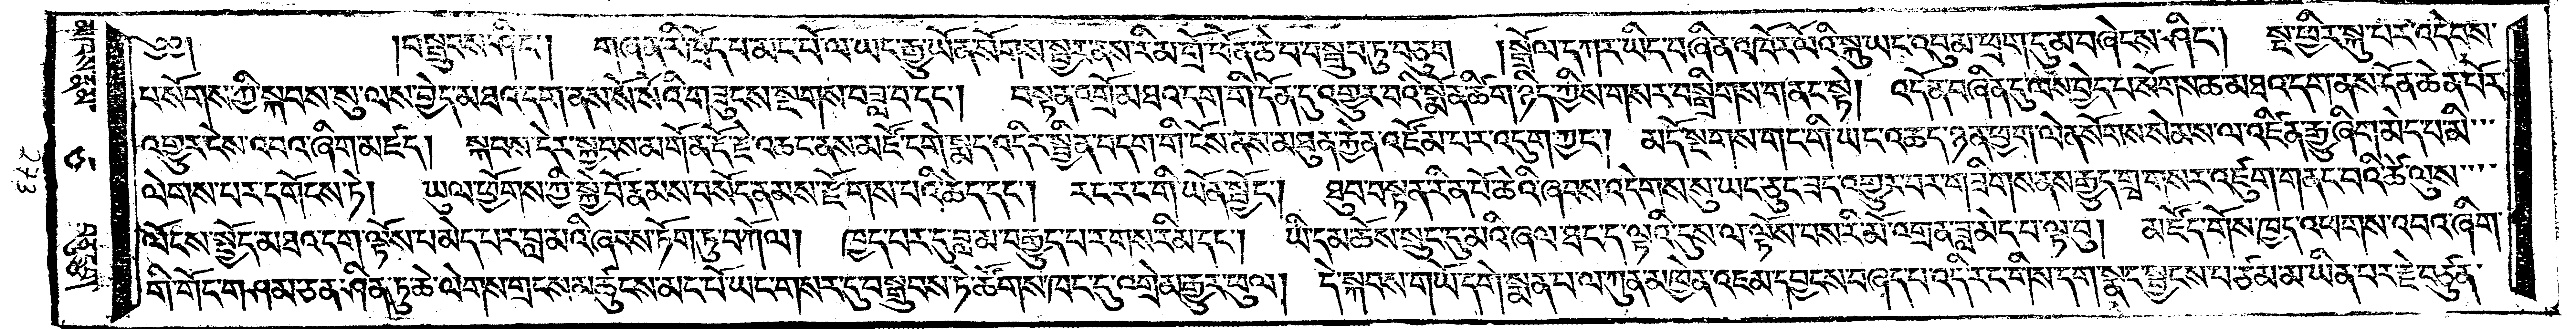༄༅། །བསྒྲུབས་ཤིང་། གཞན་རི་ཁྲོད་བ་མང་བོ་ལ་ཡང་རྒྱུ་ཡོན་སོགས་སྦྱར་ནས་རིམ་གྲོ་ཕོན་ཆེ་བ་བསྒྲུབ་ཏུ་བཅུག །སྒྲོལ་དཀར་ཡིད་བཞིན་འཁོར་ལོའི་སྐུ་ཡང་འབུམ་ཕྲག་དུ་མ་བཞེངས་ཤིང་། སྔ་ཕྱིར་སྐུ་པར་འདེབས་
པ་སོགས་ཀྱི་སྐབས་སུ་ལས་བྱེད་མཐའ་དག་ནས་སོ་སོའི་གཟུངས་སྔགས་བཟླ་བ་དང་། བསྟན་འགྲོ་མཐའ་དག་གི་དོན་དུ་འགྱུར་བའི་སྨོན་ཚིག་ཉིད་ཀྱིས་གསར་བསྒྲིགས་གནང་སྟེ། འདོན་བཞིན་དུ་ལས་བྱེད་པ་སོགས་ཆ་མཐའ་དག་ནས་དོན་ཆེན་པོར་
འགྱུར་ངེས་འབའ་ཞིག་མཛད། སྐབས་དེར་སྐྱབས་མགོན་རྡོ་རྗེ་འཆང་ནས་མཛོ་དགེ་སྨད་འདིར་སྦྱིན་བདག་གི་ངོས་ནས་མཐུན་རྐྱེན་འཛོམ་པར་འདུག་ཀྱང་། མདོ་སྔགས་གང་གི་ཡང་འཆད་ཉན་ཕྱག་ལེན་སོགས་སེམས་ལ་འཛིན་རྒྱུ་ཞིག་མེད་པ་མི་
ལེགས་པར་དགོངས་ཏེ། ཡུལ་ཕྱོགས་ཀྱི་སྐྱེ་བོ་རྣམས་བསོད་ནམས་རྫོགས་པའི་ཆེད་དང་། རང་རང་གི་ཡོན་སྦྱོང་། ཐུབ་བསྟན་རིན་པོ་ཆེའི་ཞབས་འདེགས་སུ་ཡང་ཅུང་ཟད་འགྱུར་བར་གཟིགས་ནས་རྒྱུད་གྲྭ་གསར་འཛུག་གནང་པའི་ཚེ་ལུས་
ལོངས་སྤྱོད་མཐའ་དག་ལྟོས་པ་མེད་པར་བླ་མའི་ཞབས་ཏོག་ཏུ་བཀོལ། ཁྱད་པར་དུ་བླ་མ་བརྒྱུད་པ་རགས་རིམ་དང་། ཡི་དམ་ཆོས་སྲུང་དུ་མའི་ཞལ་ཐང་ད་ལྟའི་དུས་ལ་ལྟོས་བས་རི་མོ་འགྲན་ཟླ་མེད་པ་ལྟ་བུ། མཛོད་གོས་ཁྱད་འཕགས་འྤའ་ཞིག་
གི་གོང་གཤམ་ཅན་ཤིན་ཏུ་ཆེ་ལེགས་གྲངས་མཚུངས་མང་པོ་ཡང་གསར་དུ་བསྒྲུབས་ཏེ་ཚོགས་ཁང་དུ་འགྲེམ་རྒྱུར་ཕུལ། དེ་སྐབས་གཡོ་དགེ་སྨན་པ་ལ་ཀུན་མཁྱེན་འཇམ་དབྱངས་བཞད་པ་འདི་རང་གིས་དག་སྣང་སྦྱངས་པ་ཙམ་མ་ཡིན་པར་རྗེ་བཙུན་